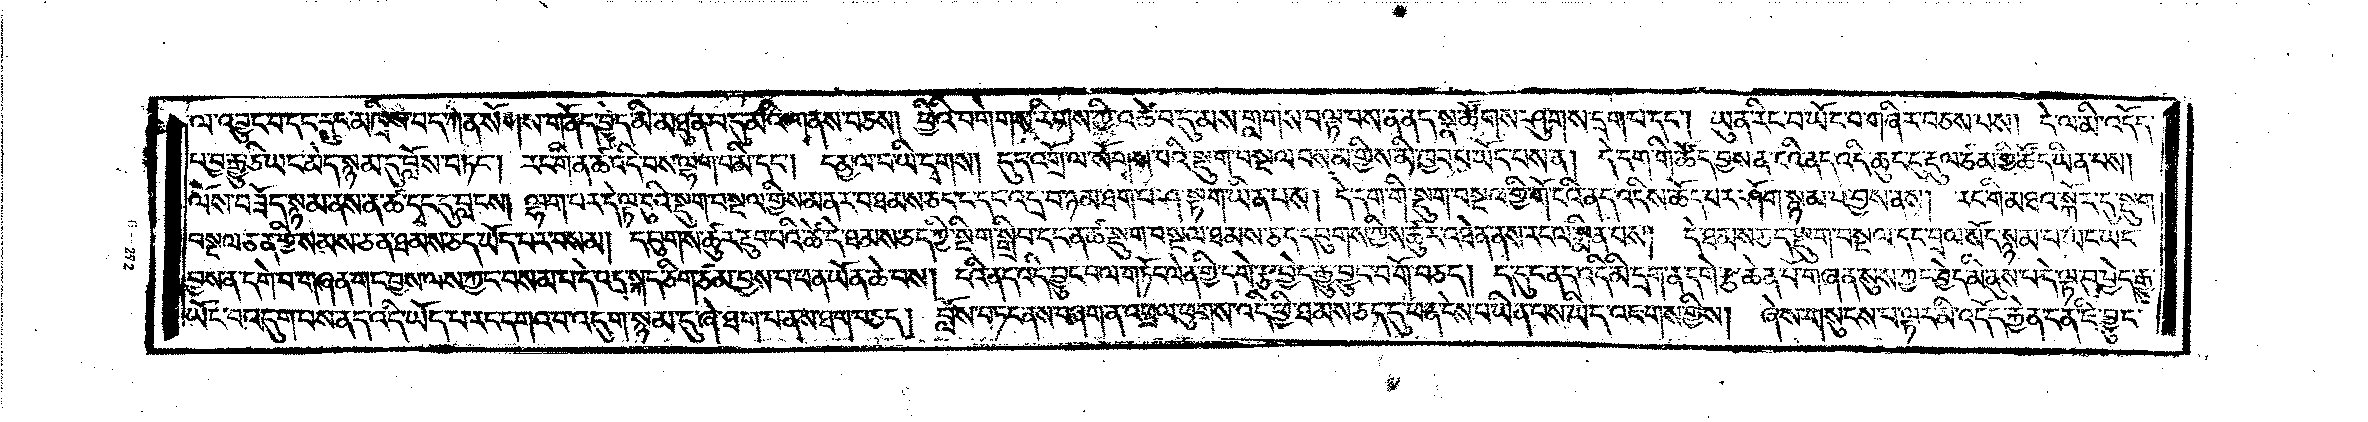ལ་འབྱུང་བ་དང་རུང་མ་ཁྲིས་བད་ཀན་སོགས་གནོད་བྱེད་མི་མཐུན་པ་དུ་མའི་གནས་བཅས། ཕྱིའི་བགེགས་རིགས་ཀི་འཚེ་བ་དུ་མས་གླགས་བལྟ་བས་ན་ནད་སྣ་ཚོགས་ཤུགས་དྲག་བ་དང་། ཡུན་རིང་བ་ཡོང་བ་གཞིར་བཅས་པས། དེ་ལ་མི་འདོད་
བ་བྱ་རྒྱུ་ཅི་ཡང་མེད་སྙམ་དུ་བློས་བཏང་། རང་གི་ན་ཚ་འདི་བས་ལྷག་པ་མི་དང་། དམྱལ་བ་ཡི་དྭགས། དུད་འགྲོ་ལ་སོགས་པའི་སྡུག་བསྔལ་བསམ་གྱིས་མི་ཁྱབ་པ་ཡོད་པ་ནས། དེ་དག་གི་ཚེད་བྱས་ན་ངའི་ནད་འདི་ཆུང་ངུ་རྡུལ་ཙམ་གྱི་ཚོད་ཡིན་པས།
ལོས་བཟོད་སྙམ་ནས་ན་ཚ་དྭང་དུ་བླངས། ལྷག་པར་དེ་ལྟ་བུའི་སྡུག་བསྔལ་གྱིས་མནར་བ་ཐམས་ཅད་ང་དང་འདྲ་བ་ཉམ་ཐག་པ་ཤ་སྟག་ཡིན་པས། དེ་དག་གི་སྡུག་བསྔལ་གྱི་གོ་ངའི་ནད་འདིས་ཆོད་པར་ཤོག་སྙམ་པ་བྱས་ནས། ཡང་གི་མཐའ་སྐོར་དུ་སྡུག་
བསྔལ་ཅན་གྱི་སེམས་ཅན་ཐམས་ཅད་ཡོད་པར་བསམ། དབུགས་ཚུར་རྔུབ་པའི་ཚེ་དེ་ཐམས་ཅད་ཀྱི་སྡིག་སྒྲིབ་དང་ན་ཚ་སྡུག་བསྔལ་ཐམས་ཅད་དབུགས་ཀྱིས་ཚུར་འཐེན་ནས་རང་ལ་སྨིན་བས། དེ་ཐམས་ཅད་སྡུག་བསྔལ་དང་བྲལ་སོང་སྙམ་པ་ཡང་ཡང་
བྱས་ན་དགེ་བ་གཞན་གང་བྱས་ལས་ཀྱང་བསམ་པ་དེ་འདྲ་སྐད་ཅིག་ཙམ་བྱས་པ་ཕན་ཡོན་ཆེ་བས། ངའི་ནད་འདི་བྱུང་བ་ལ་གཏོང་ལེན་གྱི་དགེ་རྩ་བྱེད་རྒྱུ་བྱུང་བ་གོ་བཅད། ད་དུང་ནད་འདི་མི་དྲག་ན་དགེ་རྩ་ཆེན་པོ་གཞན་སུས་ཀྱང་བྱེད་མི་ནུས་པ་དེ་ལྟ་བུ་བྱེད་རྒྱུ་
ཡོང་བ་འདུག་བས་ནད་འདི་ཡོད་པ་རང་དགའ་བ་འདུག་སྙམ་དུ་ཞེ་ཐག་པ་ནས་ཐག་བཅད། བློས་བཏང་ནས་བཞག་ནས་འཕྲལ་ཕུགས་འདི་ཕྱི་ཐམས་ཅད་དུ་ཕན་ངེས་པ་ཡིན་པས་ཡིད་འཇགས་གྱིས། ཞེས་གསུངས་པ་ལྟར་མི་འདོད་རྐྱེན་ངན་ཇི་བྱུང་